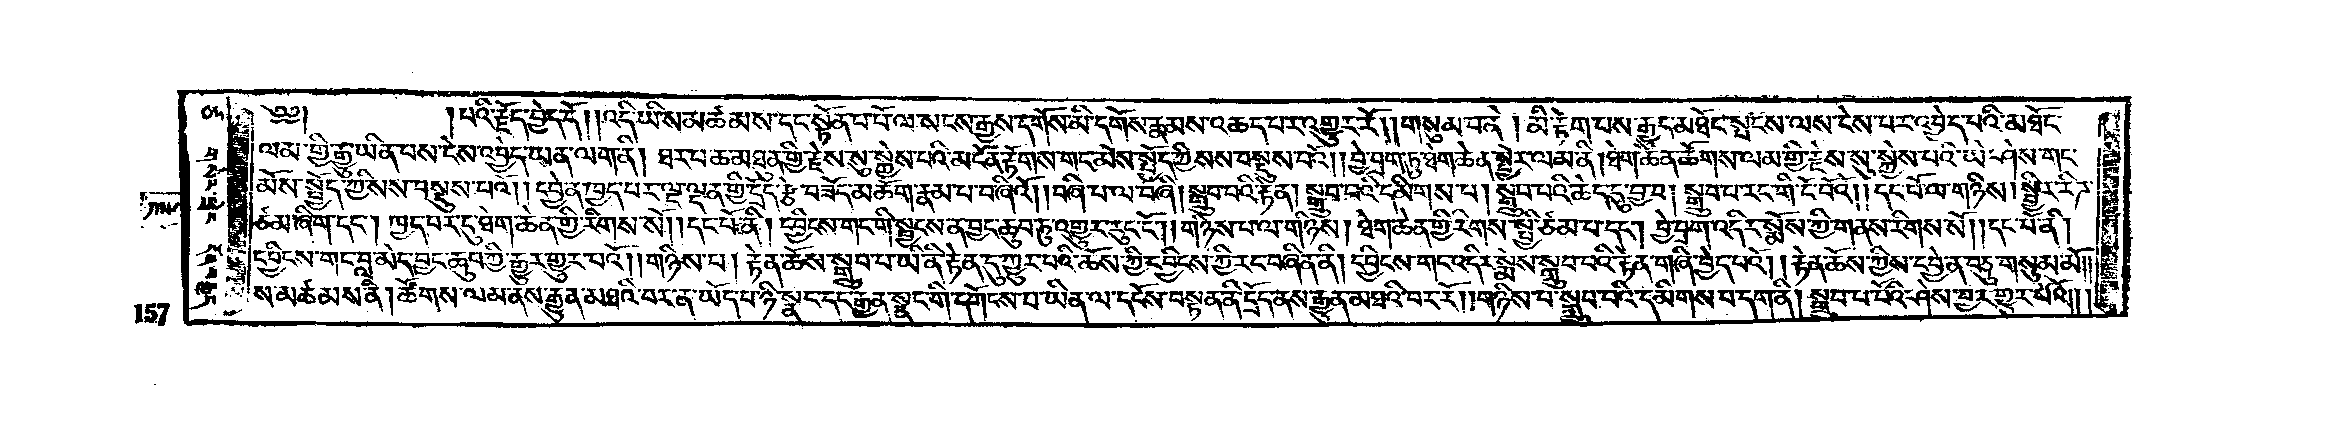༄༅། །པའི་རྗོད་བྱེད་དོ། །འདི་ཡི་ས་མཚམས་དང་སྟོན་པ་པོ་ལ་སངས་རྒྱས་དགོས་མི་དགོས་རྣམས་འཆད་པར་འགྱུར་རོ། །གསུམ་པ་ནི། མི་རྟོག་པས་རྒྱུད་མཐོང་སྤངས་ལས་ངེས་པར་འབྱེད་པའི་མཐོང་
ལམ་གྱི་རྒྱུ་ཡིན་པས་ངེས་འབྱེད་ཡན་ལག་ནི། ཐར་པ་ཆ་མཐུན་གྱི་རྗེས་སུ་སྐྱེས་པའི་མངོན་རྟོགས་གང་མོས་སྤྱོད་ཀྱི་སས་བསྡུས་པའོ། །བྱེ་བྲག་ཏུ་ཐེག་ཆེན་སྦྱོར་ལམ་ནི། ཐེག་ཆེན་ཚོགས་ལམ་གྱི་རྗེས་སུ་སྐྱེས་པའི་ཡེ་ཤེས་གང་
མོས་སྤྱོད་ཀྱི་སས་བསྡུས་པའོ། །དབྱེ་ན་ཁྱད་པར་ལྔ་ལྡན་གྱི་དྲོད་རྩེ་བཟོད་མཆོག་རྣམ་པ་བཞིའོ། །བཞི་པ་ལ་བཞི། སྒྲུབ་པའི་རྟེན། སྒྲུབ་པའི་དམིགས་པ། སྒྲུབ་པའི་ཆེད་དུ་བྱ་བ། སྒྲུབ་པ་རང་གི་ངོ་བོའོ། །དང་པོ་ལ་གཉིས། སྤྱིར་རིགས་
ཙམ་ཞིག་དང་། ཁྱད་པར་དུ་ཐེག་ཆེན་གྱི་རིགས་སོ། །དང་པོ་ནི། དབྱིངས་གང་གི་སྦྱངས་ན་བྱང་ཆུབ་ཏུ་འགྱུར་རུང་ངོ། །གཉིས་པ་ལ་གཉིས། ཐེག་ཆེན་གྱི་རིགས་སྤྱི་ཙམ་པ་དང་། བྱེ་བྲག་འདིར་སྨོས་ཀྱི་གནས་རིགས་སོ། །དང་པོ་ནི།
དབྱིངས་གང་བླ་མེད་བྱང་ཆུབ་ཀྱི་རྒྱུར་གྱུར་པའོ། །གཉིས་པ། རྟེན་ཆོས་སྒྲུབ་པ་ཡི་ནི་རྟེན་དུ་གྱུར་པའི་ཆོས་ཀྱི་དབྱིངས་ཀྱི་རང་བཞིན་ནི། དབྱིངས་གང་འདིར་སྨོས་སྒྲུབ་པའི་རྟེན་གཞི་བྱེད་པའོ། །རྟེན་ཆོས་ཀྱིས་དབྱེ་ན་བཅུ་གསུམ་མོ། །
ས་མཚམས་ནི། ཚོགས་ལམ་ནས་རྒྱུན་མཐའི་བར་ན་ཡོད་པ་ཉི་སྣང་དང་རྒྱན་སྣང་གི་དགོངས་པ་ཡིན་ལ་དངོས་བསྟན་ནི་དྲོད་ནས་རྒྱུན་མཐའི་བར་རོ། །གཉིས་པ་སྒྲུབ་པའི་དམིགས་པ་དག་ནི། སྒྲུབ་པ་པོའི་ཤེས་བྱར་གྱུར་པའོ། །